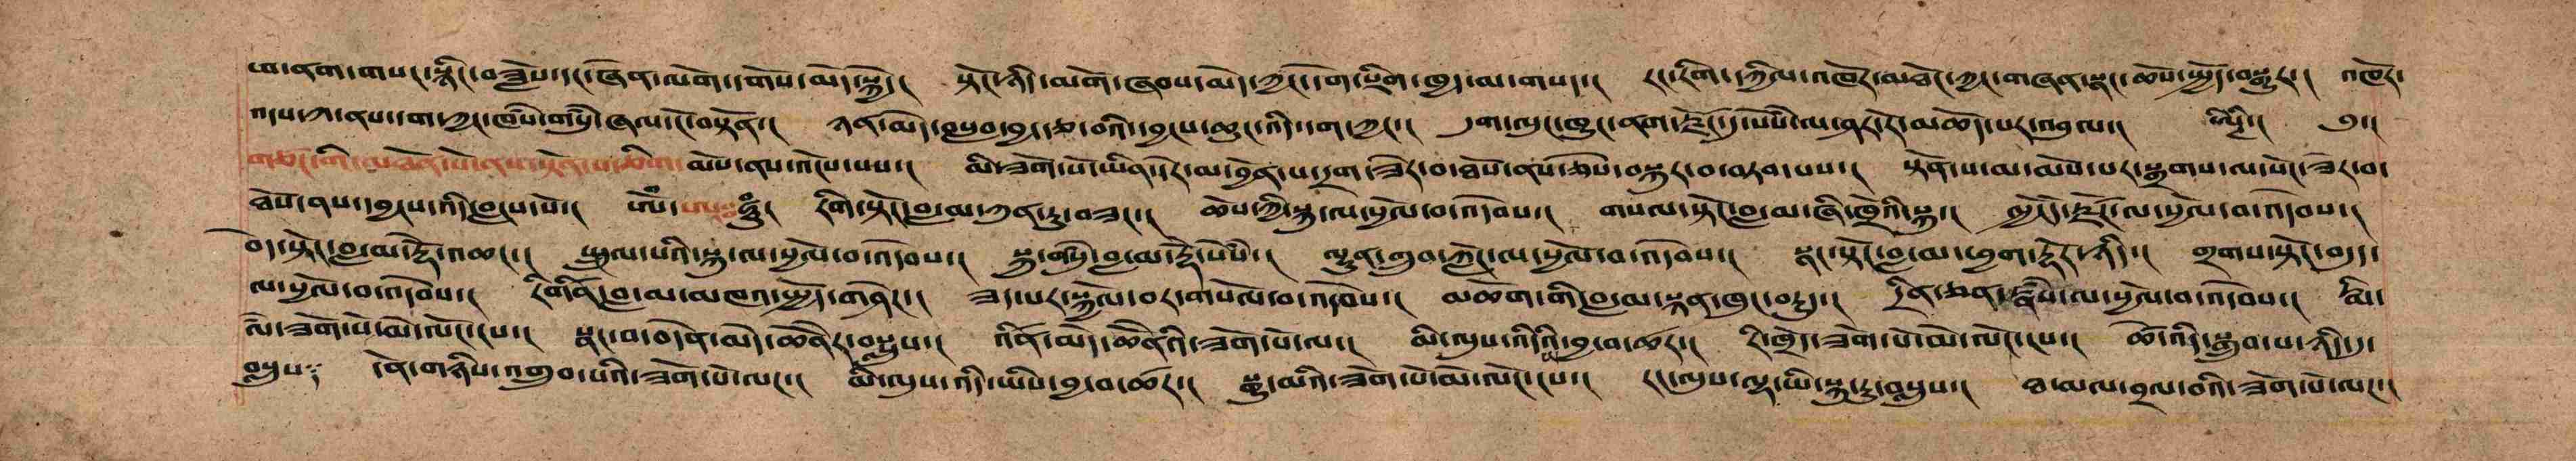ཕ་ནག་གསང་སྙིང་བཟློས་དང་ཞེན་ལོག་དགོས་མེད་སྐྱེ།། སྟོང་ཉིད་མགོ་ཞབས་མེད་ཀྱང་དགེ་སྡིག་ཁྱད་མ་གསད།། རང་རིག་དཀྱིལ་འཁོར་མཐོང་ཀྱང་གཞན་སྣང་ཆོས་སྤྱོད་བསྒྱུར།། འཁོར་
འདས་ཀ་ནས་དག་ཀྱང་ཁམས་གསུམ་ཞལ་ངོ་བསྟོན།། ཉན་མེད་བསླབ་བྱར་རྩ་བའི་དབྱངས་ཆུང་འདི་དག་ཀྱང་།། དུག་ལུང་ཁྱུང་ནག་རྫོང་དུ་སེམས་ལ་ཤར་རོ་མཆོད་པར་འབུལ།། ཨིཊི། ༄། 
གཙང་གི་མཐོན་པོ་ནས་སྟོན་པ་ཅིག་མོས་ནས་འོངས་པས།། མི་ཟོག་པོ་ཡིན་དེར་མ་བྱོན་པ་དྲག་ཟེར་བ་ཐོས་ནས་ཆོས་བསྐུར་བ་བཏབ་པས།། སྟོན་པ་ལ་མོས་པར་སྒྲགས་ལ་སོང་ཟེར་བ་
ཐོས་ནས་དབྱངས་འདི་བླངས་སོ།། ཨོཾ་ཨཱཿཧཱུཾ། རིག་སྟོང་བླ་མ་ཀུན་ཏུ་བཟང་།། ཆོས་ཀྱི་སྐུ་ལ་གསོལ་བ་འདེབས།། གསལ་སྟོང་བླ་མ་ཞི་ཁྲོའི་སྐུ།། ལོངས་སྤྱོད་རྫོགས་ལ་གསོལ་བ་འདེབས།། 
བདེ་སྟོང་བླ་མ་རྡོ་རྗེ་འཆང་།། སྤྲུལ་པའི་སྐུ་ལ་གསོལ་བ་འདེབས།། སྐུ་གསུམ་བླ་མ་རྡོ་རྗེ་འཆང་།། ལྷུན་གྲུབ་ཀློང་ལ་གསོལ་བ་འདེབས།། སྣང་སྟོང་བླ་མ་ཕྱག་རྡོར་ཉིད།། གྲགས་སྟོང་བདུད་
ལ་གསོལ་བ་འདེབས།། རིག་འཛིན་བླ་མ་མཁའ་སྤྱོད་གཤེགས།། ཟད་སར་སྐྱོལ་ལ་གསོལ་བ་འདེབས།། མཆོག་གི་བླ་མ་སྙན་ཁུང་བརྒྱུད།། དྲིན་ཅན་རྣམས་ལ་གསོལ་བ་འདེབས།། རྨི་
ལམ་ཟོག་པོ་མེ་ལོང་ངས།། སྣང་བ་བདེན་མེད་ཆེན་པོར་བསླུས།། འཛིན་མེད་ཆེན་པོའི་ཟོག་པོ་ལ།། མི་ལུས་འདི་ཡི་བྱ་བ་ཚར།། རི་ཁྲོད་ཟོག་པོ་མེ་ལོང་ངས།། ཚེ་འདི་སྒྲུབ་པ་ཉིད་དུ་
བསླུས།། དོན་གཉིས་འགྲུབ་པའི་ཟོག་པོ་ལགས།། མི་ལུས་འདི་ཡིས་བྱ་བ་ཚར།། སྒྱུ་མའི་ཟོག་པོ་མེ་ལོང་ངས།། རང་ལུས་ལྷ་ཡི་སྐུ་རུ་བསླུས།། ཐ་མལ་བྲལ་བའི་ཟོག་པོ་ལགས།།